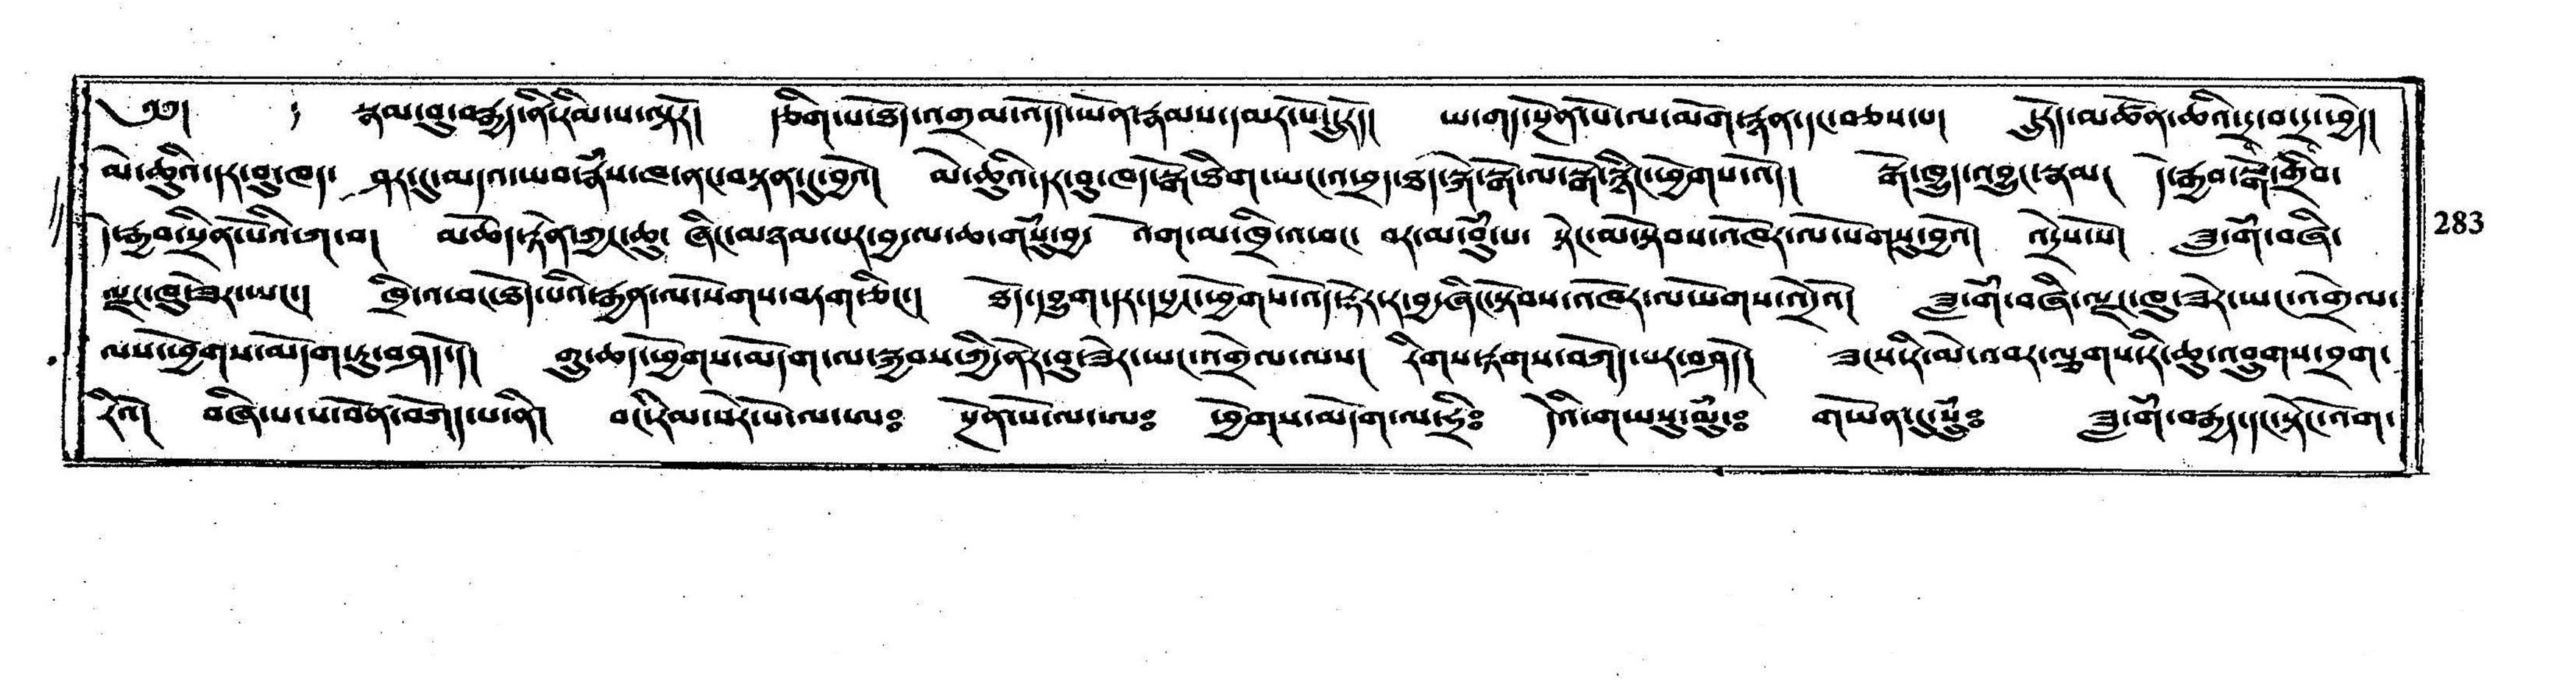སྣམ་བུ་བརྒྱད་ནི་རིམ་པ་ལྟར་རོ། རྩིག་པ་ཐོད་འགྲམ་འདོད་ཡོན་རྣམས་དམར་པོ་དུར་ཁྲོད། ཡ་གད་སྔོན་པོ་ལ་མགོ་རྙན་དང་བཅས་པ། དུར་ཁྲོད་མཚོན་ཆའི་དྲྭ་བ་དྲྭ་ཕྱེད། 
མེ་ཆུའི་དར་བུ་ཁད་ཤར་དུ་མདའ་ཡབ་རྣམས་ཁ་ནང་བསྟན་དུ་བྱའོ། མེ་ཆུའི་དར་བུ་ཁད་སྒོ་ཐིག་ཡང་འཕྲད་ཐད་སྐེ་སྒོ་ལ་སྒོ་སྙིང་ཕྱོགས་འོད། སྒོ་ཁྱུད་འབྱུང་སྣམ། དེ་རྒྱབ་སྒོ་གྲིབ་
དེ་རྒྱབ་སྲིན་པོའི་ཀ་བ། མཆོད་རྟེན་ཀྱང་ཆུ་ཞིང་མཉམ་པར་བྱ་ལ་ཆ་གསུམ་བྱ་འོག་མ་ཁྲི་འཕང་བར་མ་བུམ་པ་སྟེང་མ་སྟོབས་འཁོར་ལ་སོགས་སུ་བྱའོ། འདྲེས་སོ། ཟླ་གམ་བཞི་
ལྗང་ཁུ་ཟེར་ཡང་། ཁྲི་འཕང་ཐོད་པའི་རྒྱན་ལ་སོགས་བཏག་ཅིང་། ཐོད་དབྱུག་དར་དཔྱང་ཕྱོགས་འོད་རྡེར་ར་བྱ་ཞིང་སྟོབས་འཁོར་ལ་ཡོགས་འདྲེའོ། ཟླ་གམ་བཞི་ལྗང་ཁུ་ཟེར་ཡང་འགྲེལ་
ལས་ཕྱོགས་མདོག་ཏུ་བཤད་དོ། གྲུ་ཆད་ཕྱོགས་མདོག་ལ་སྐྱབས་ཀྱི་ནོར་བུ་ཟེར་ཡང་འགྲེལ་ལས། རིགས་རྟགས་བཀོད་པར་བཤད་དོ། ཟངས་རི་མེ་འབར་ལྕགས་རི་ཆུ་འབྲུགས་བྲག་
རིའོ། །བཞི་པ་ས་བོན་བཀོད་པ་ནི། བང་རིམ་སེར་པོ་ལ་ཨཿ སྔོན་པོ་ལ་ཨཿ ཕྱོགས་མདོག་ལ་ཧྲིཿ དེའི་གཡས་སུ་མུཾཿ གཡོན་དུ་སྲུཾཿ ཟླ་གམ་བརྒྱད་དང་སྟེང་འོག་